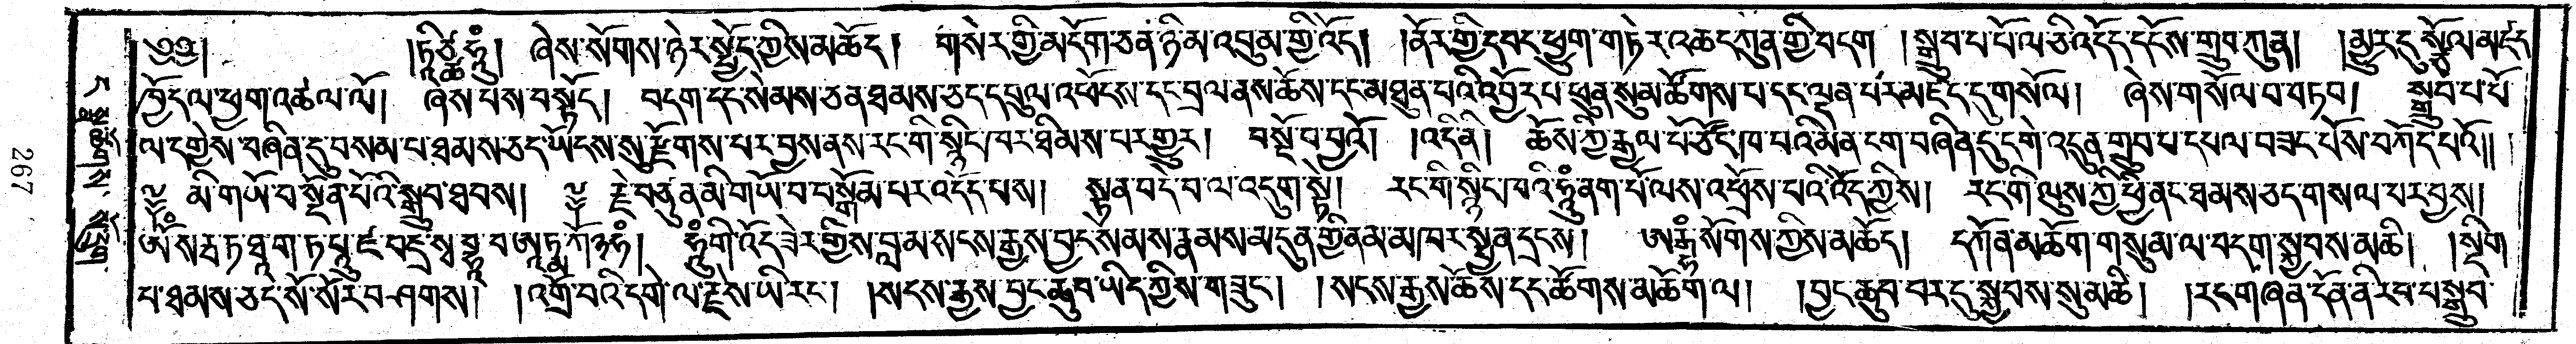༄༅། །ཏཱིཙྪ་ཧཱུཾ། ཞེས་སོགས་ཉེར་སྤྱོད་ཀྱིས་མཆོད། གསེར་གྱི་མདོག་ཅན་ཉི་མ་འབུམ་གྱི་འོད། །ནོར་གྱི་དབང་ཕྱུག་གཏེར་འཆད་ཀུན་གྱི་བདག །སྒྲུབ་པ་པོ་ལ་ཅི་འདོད་དངོས་གྲུབ་ཀུན། །མྱུར་དུ་སྩོལ་མཛད་
ཁྱོད་ལ་ཕྱག་འཚལ་ལོ། ཞེས་པས་བསྟོད། བདག་དང་སེམས་ཅན་ཐམས་ཅད་དབུལ་འཕོངས་དང་བྲལ་ནས་ཆོས་དང་མཐུན་པའི་འབྱོར་པ་ཕུན་སུམ་ཚོགས་པ་དང་ལྡན་པར་མཛད་དུ་གསོལ། ཞེས་གསོལ་བ་བཏབ། སྒྲུབ་པ་པོ་
ལ་དགྱེས་བཞིན་དུ་བསམ་པ་ཐམས་ཅད་ཡོངས་སུ་རྫོགས་པར་བྱས་ནས་རང་གི་སྙིང་ཁར་ཐིམས་པར་གྱུར། བསྔོ་བ་བྱའོ། །འདི་ནི། ཆོས་ཀྱི་རྒྱལ་པོ་ཙོང་ཁ་པའི་མན་ངག་བཞིན་དུ་དགེ་འདུན་གྲུབ་པ་དཔལ་བཟང་པོས་བཀོད་པའོ།།
༈ མི་གཡོ་བ་སྔོན་པོའི་སྒྲུབ་ཐབས། ༈ རྗེ་བཙུན་མི་གཡོ་བ་བསྒོམ་པར་འདོད་པས། སྟན་བདེ་བ་ལ་འདུག་སྟེ། རང་གི་སྙིང་ཁའི་ཧཱུཾ་ནག་པོ་ལས་འཕྲོས་པའི་འོད་ཀྱིས། རང་གི་ལུས་ཀྱི་ཕྱི་ནང་ཐམས་ཅད་གསལ་པར་བྱས།
ཨོཾ་སརྦ་ཏ་ཐཱ་ག་ཏ་པཱུ་ཛ་བཛྲ་སྭ་བྷཱ་བ་ཨཱཏྨ་ཀོཉཧཾ། ཧཱུཾ་གི་འོད་ཟེར་གྱིས་བླ་མ་སངས་རྒྱས་བྱང་སེམས་རྣམས་མདུན་གྱི་ནམ་མཁར་སྤྱན་དྲངས། ཨརྒྷཾ་སོགས་ཀྱིས་མཆོད། དཀོན་མཆོག་གསུམ་ལ་བདག་སྐྱབས་མཆི། །སྡིག་
པ་ཐམས་ཅད་སོ་སོར་བཤགས། །འགྲོ་བའི་དགེ་ལ་རྗེས་ཡི་རང་། །སངས་རྒྱས་བྱང་ཆུབ་ཡིད་ཀྱིས་གཟུང་། །སངས་རྒྱས་ཆོས་དང་ཚོགས་མཆོག་ལ། །བྱང་ཆུབ་བར་དུ་སྐྱབས་སུ་མཆི། །རང་གཞན་དོན་ནི་རབ་པ་སྒྲུབ་